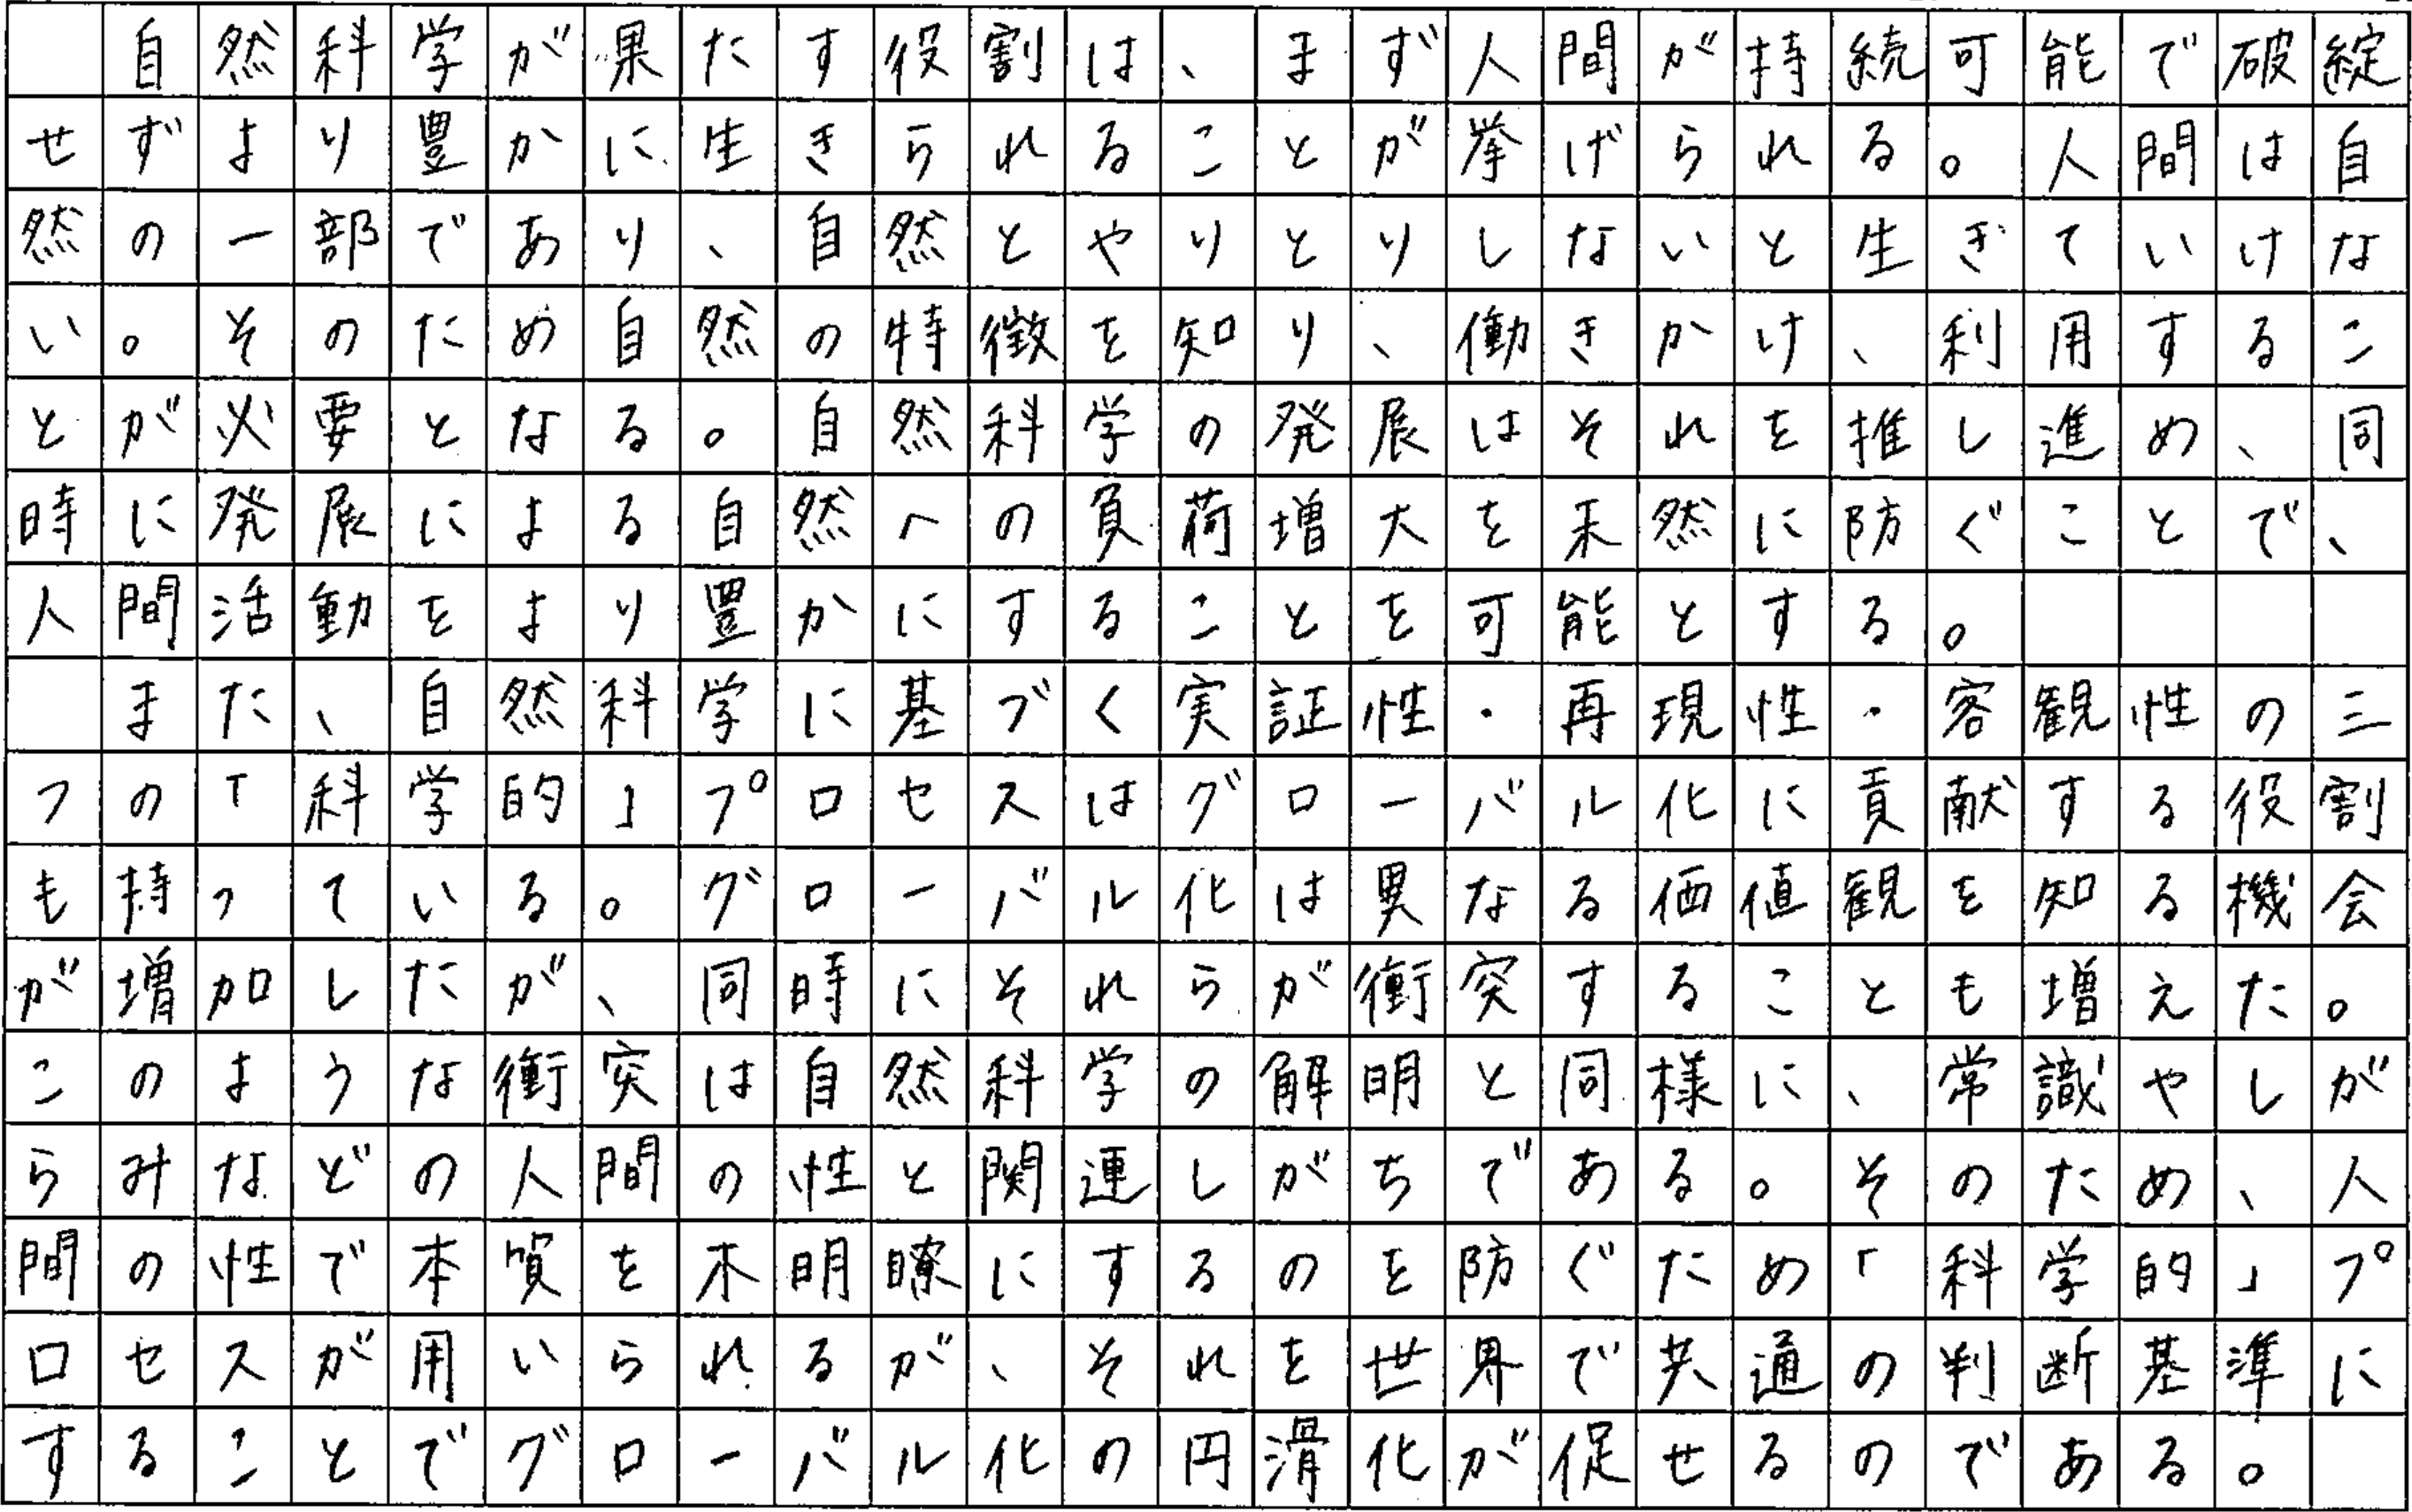　自然科学が果たす役割は、まず人間が持続可能で破綻せずより豊かに生きられることが挙げられる。人間は自然の一部であり、自然とやりとりしないと生きていけない。そのため自然の特徴を知り、働きかけ、利用することが必要となる。自然科学の発展はそれを推し進め、同時に発展による自然への負荷増大を未然に防ぐことで、人間活動をより豊かにすることを可能とする。
　また、自然科学に基づく実証性・再現性・客観性の三つの「科学的」プロセスはグローバル化に貢献する役割も持っている。グローバル化は異なる価値観を知る機会が増加したが、同時にそれらが衝突することも増えた。このような衝突は自然科学の解明と同様に、常識やしがらみなどの人間の性と関連しがちである。そのため、人間の性で本質を不明瞭にするのを防ぐため「科学的」プロセスが用いられるが、それを世界共通の判断基準にすることでグローバル化の円滑化が促されるのである。
